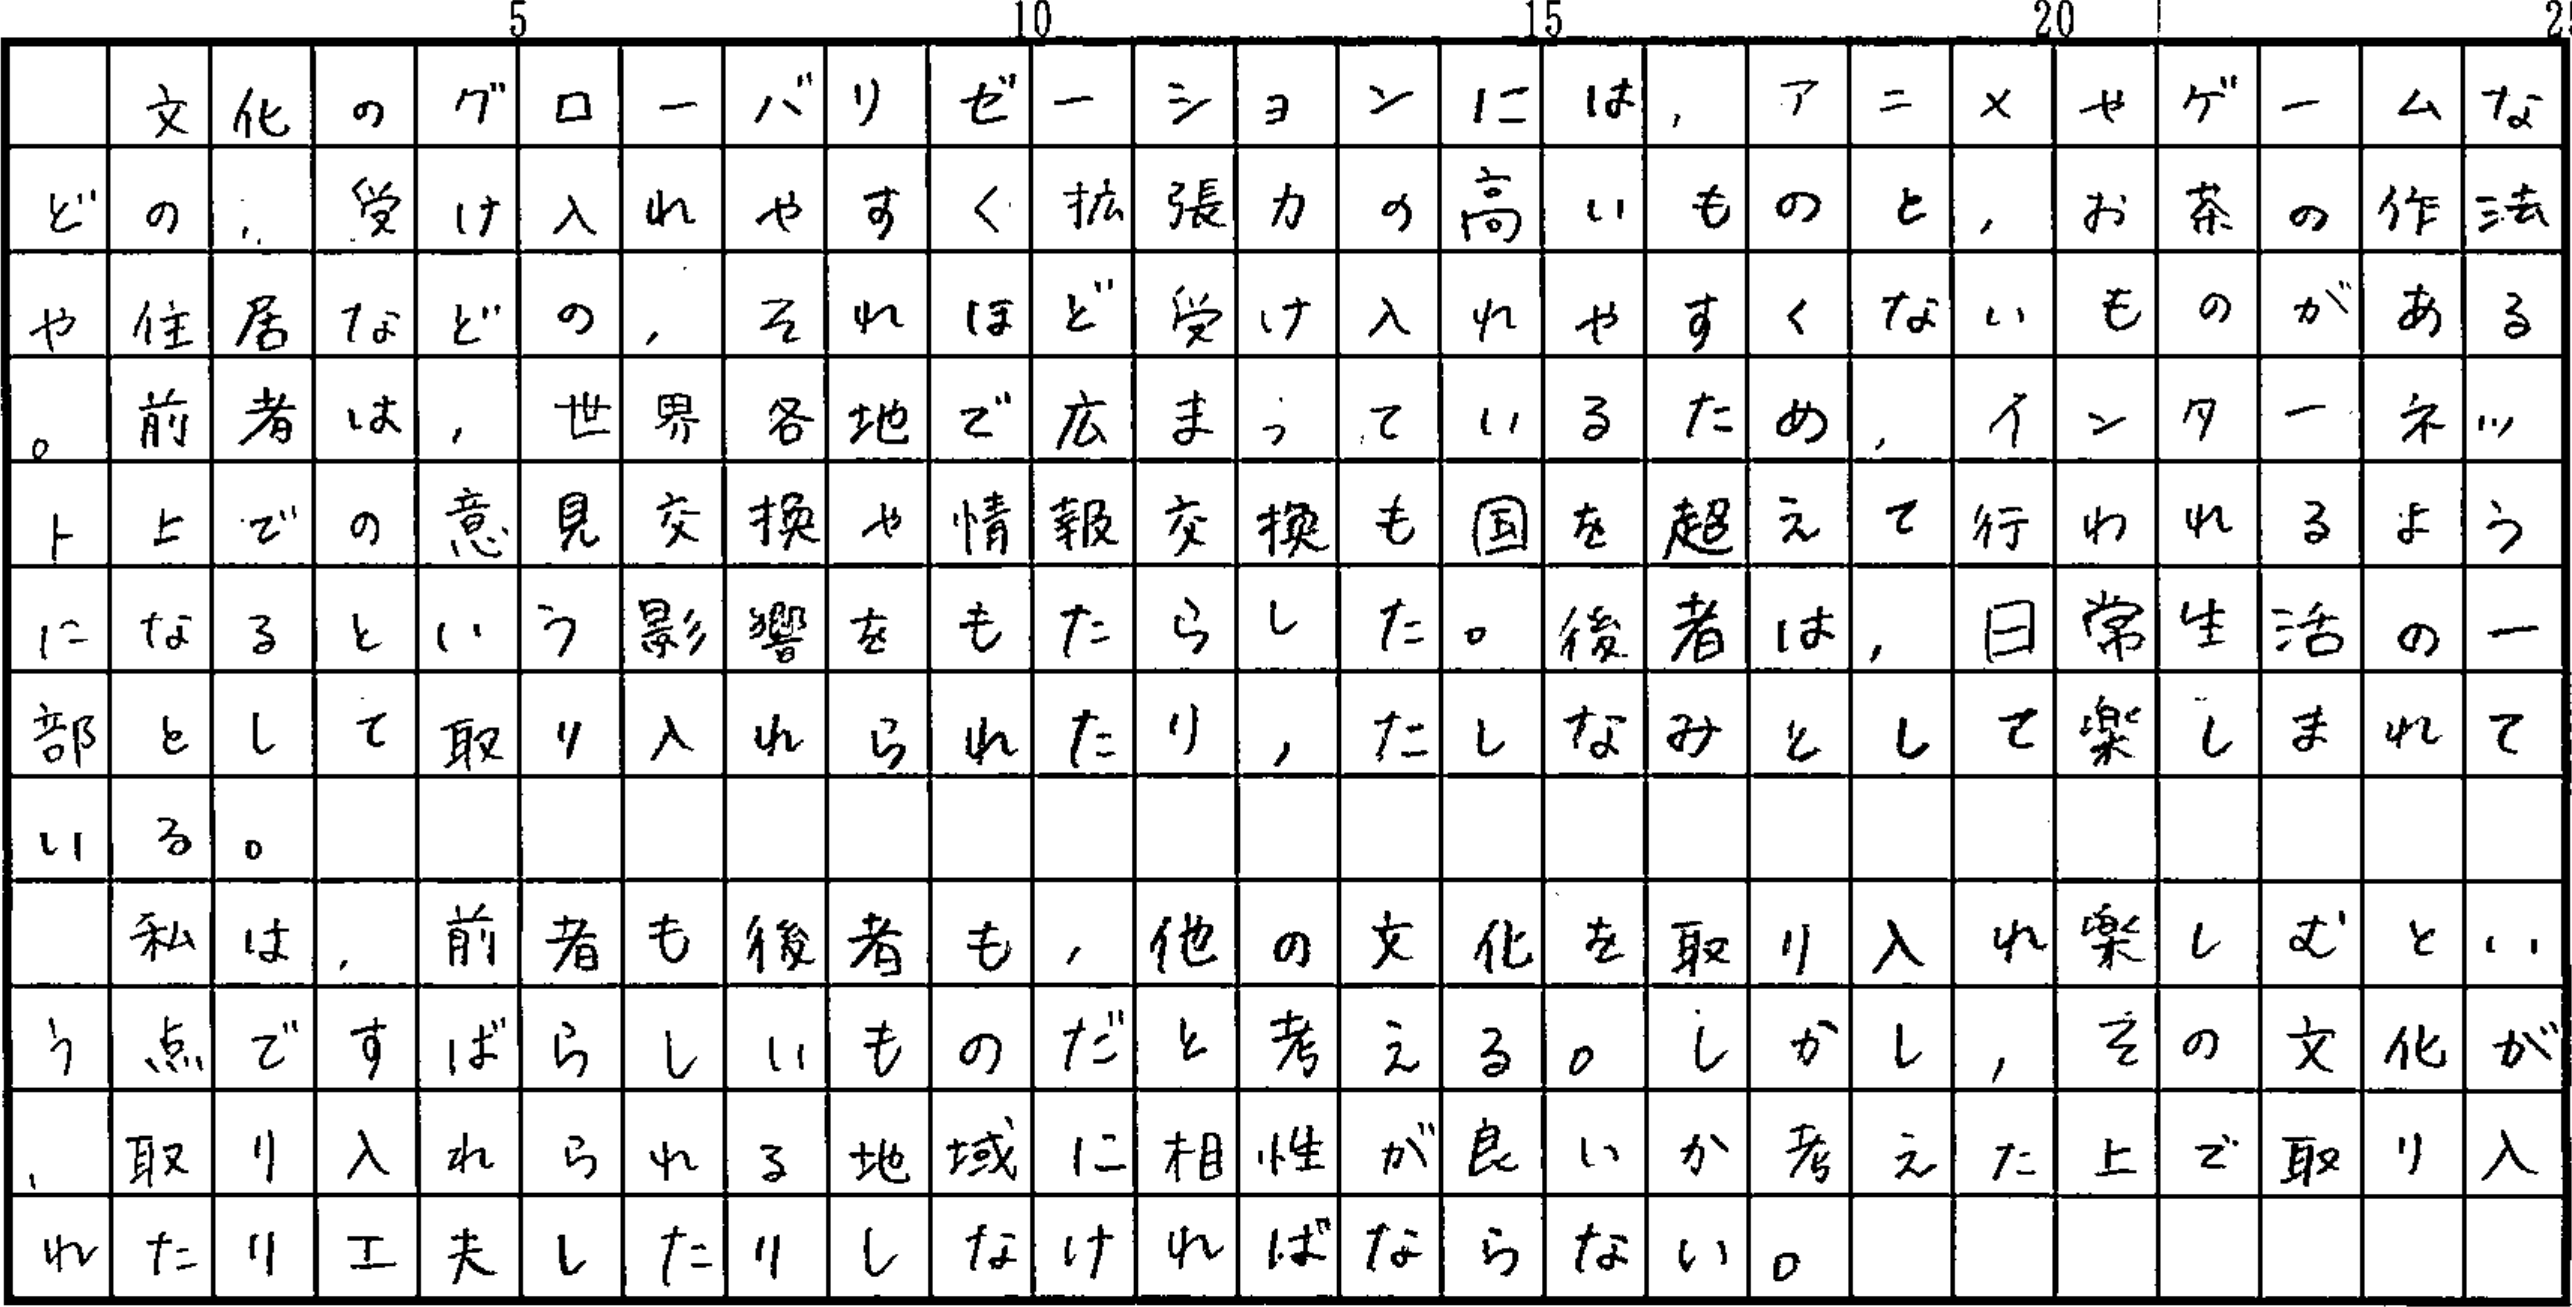　文化のグローバリゼーションには、アニメやゲームなどの、受け入れやすく拡張力の高いものと、お茶の作法や住居などの、それほど受け入れやすくないものがある。前者は、世界各地で広まっているため、インターネット上での意見交換や情報交換も国を超えて行われるようになるという影響をもたらした。後者は、日常生活の一部として取り入れられたり、たしなみとして楽しまれている。
　私は、前者も後者も、他の文化を取り入れ楽しむという点ですばらしいものだと考える。しかし、その文化が、取り入れられる地域に相性が良いか考えた上で取り入れたり工夫したりしなければならない。
